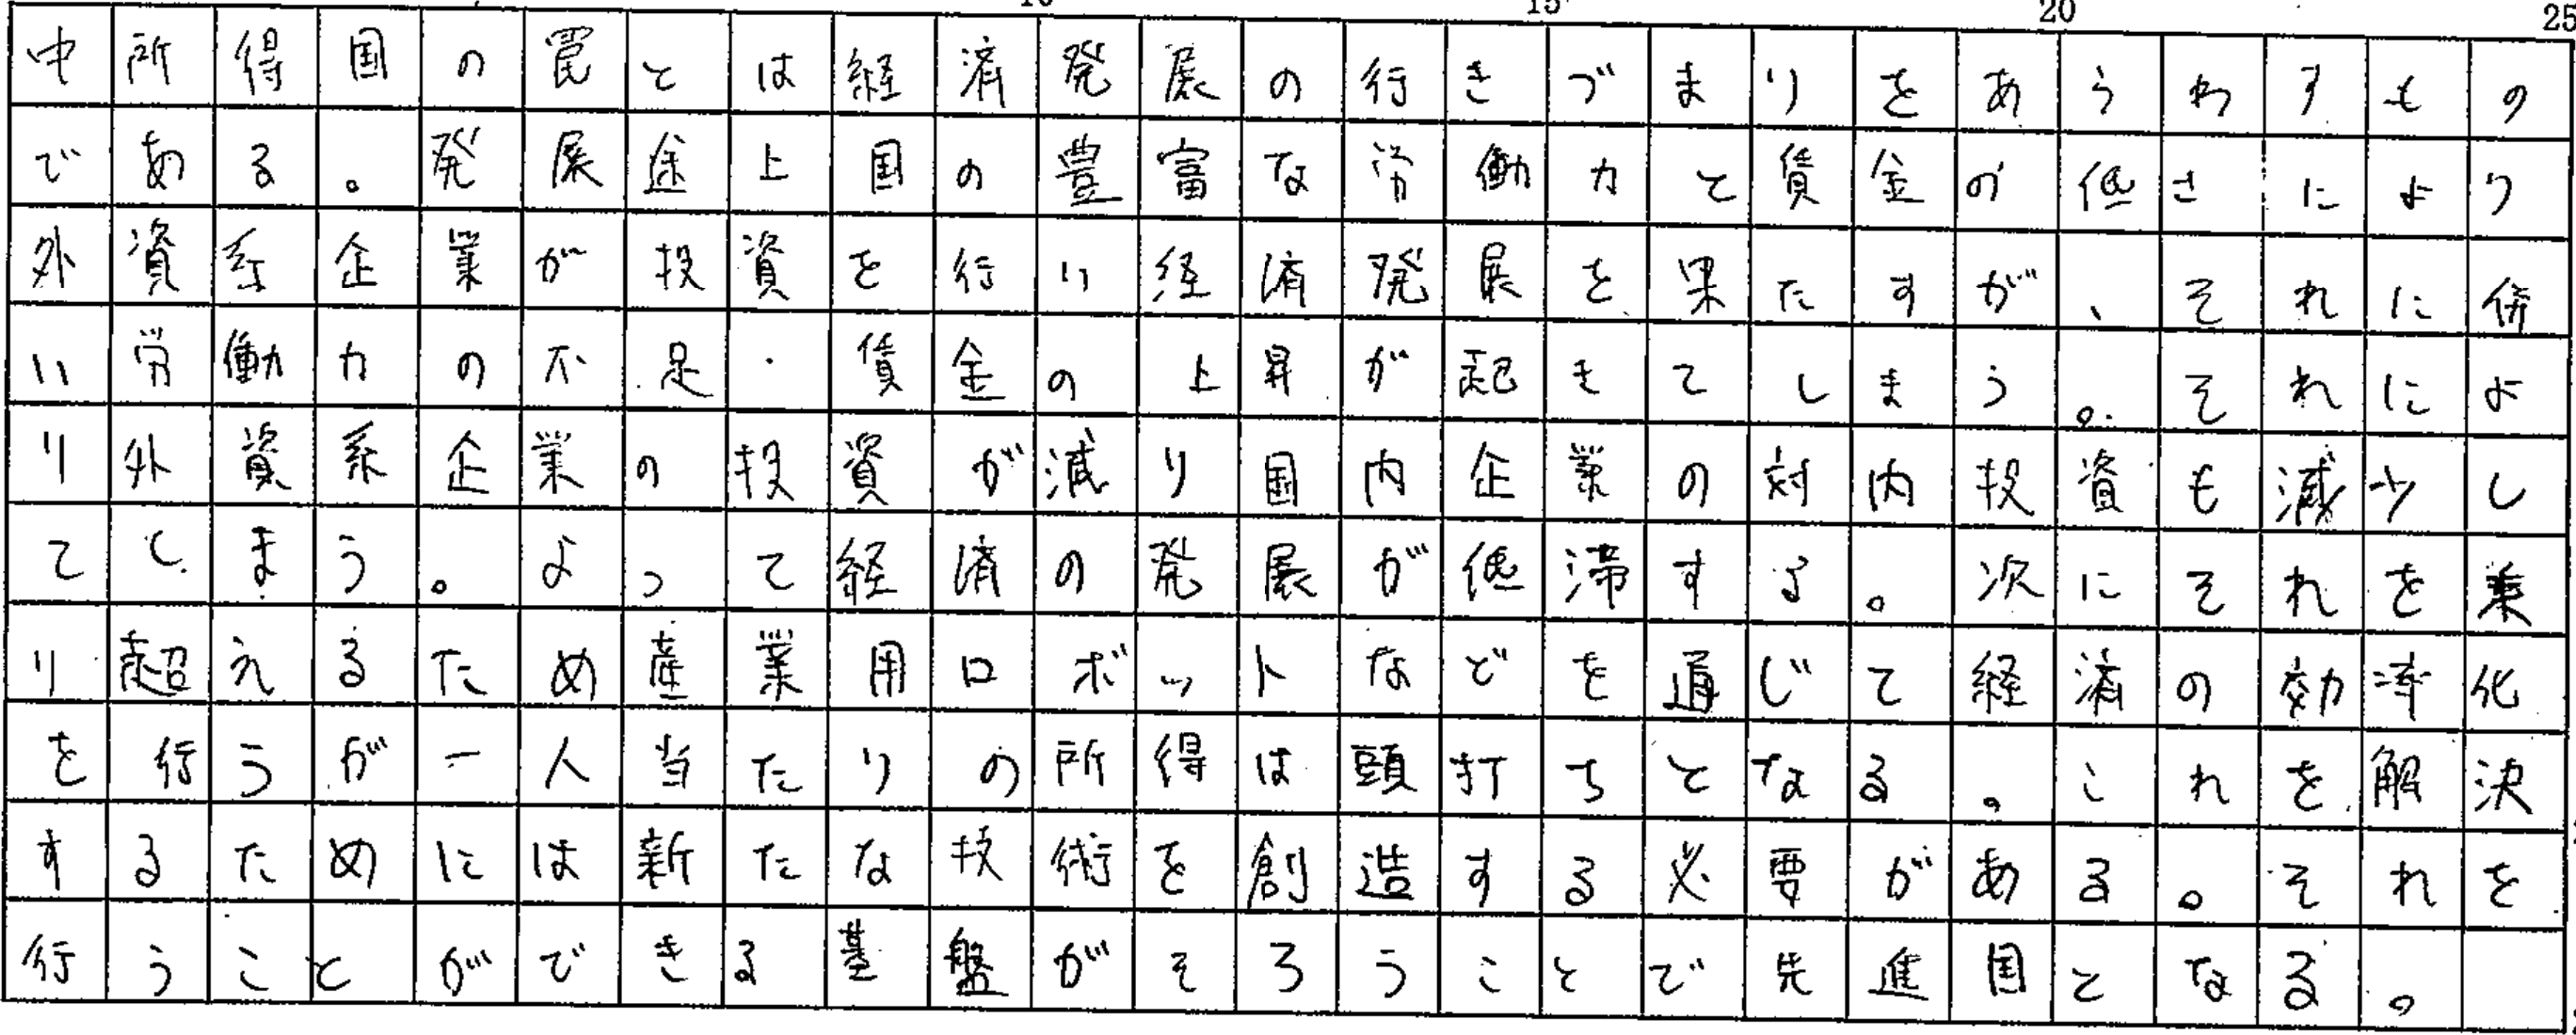中所得国の罠とは経済発▁の行きづまりをあらわすものである。発▁途上国の豊富な労働力と賃金の低さにより外資系企業が投資を行い経済発▁を果たすが、それに併い労働力の不足・賃金の上昇が起きてしまう。それにより外資系企業の投資が減り国内企業の対内投資も減少してしまう。よって経済の発▁が低滞する。次にそれを乗り超えるため産業用ロボットなどを通じて経済の効率化を行うが一人当たりの所得は頭打ちとなる。これを解決するためには新たな技術を創造する必要がある。それを行うことができる基盤がそろうことで先進国となる。
